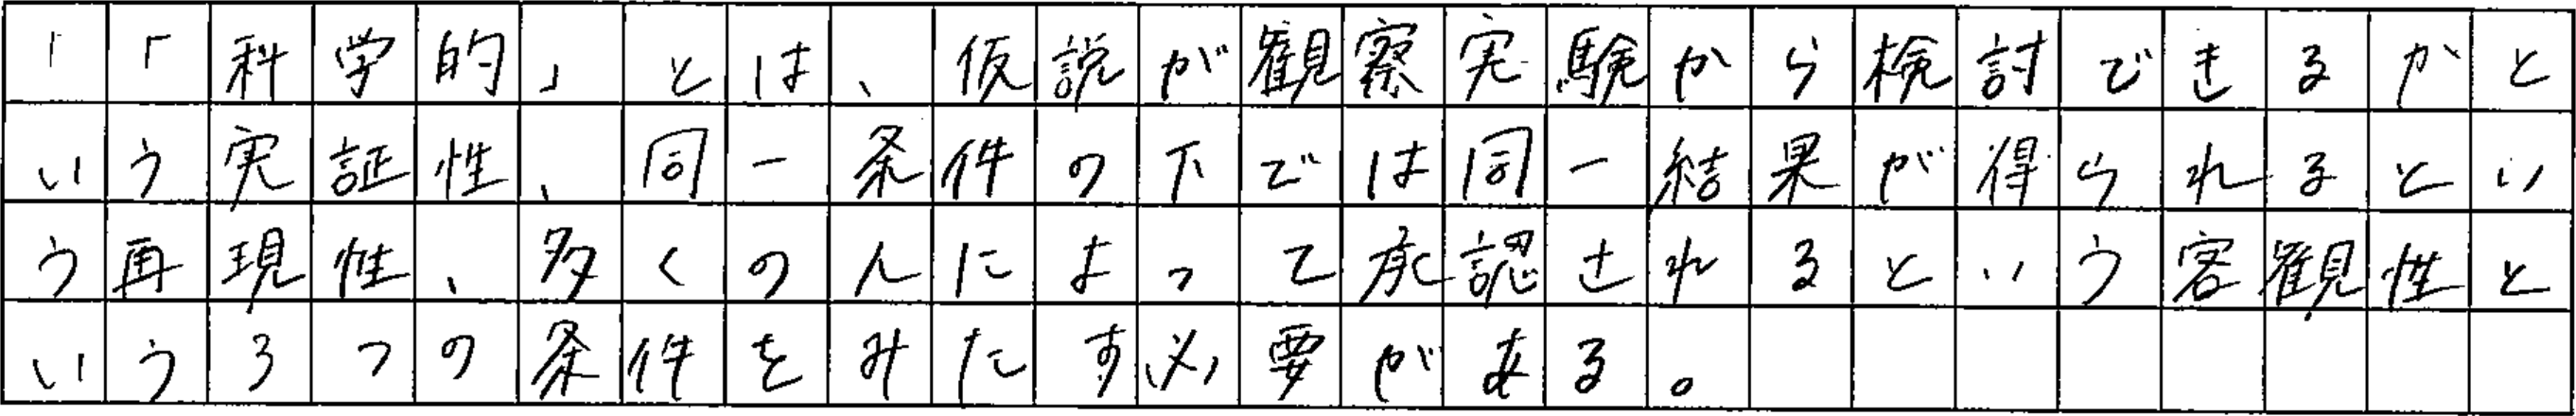　「科学的」とは、仮説が観察実験から検討できるかという実証性、同一条件の下では同一結果が得られるという再現性、多くの人によって承認されるという客観性という３つの条件をみたす必要がある。
